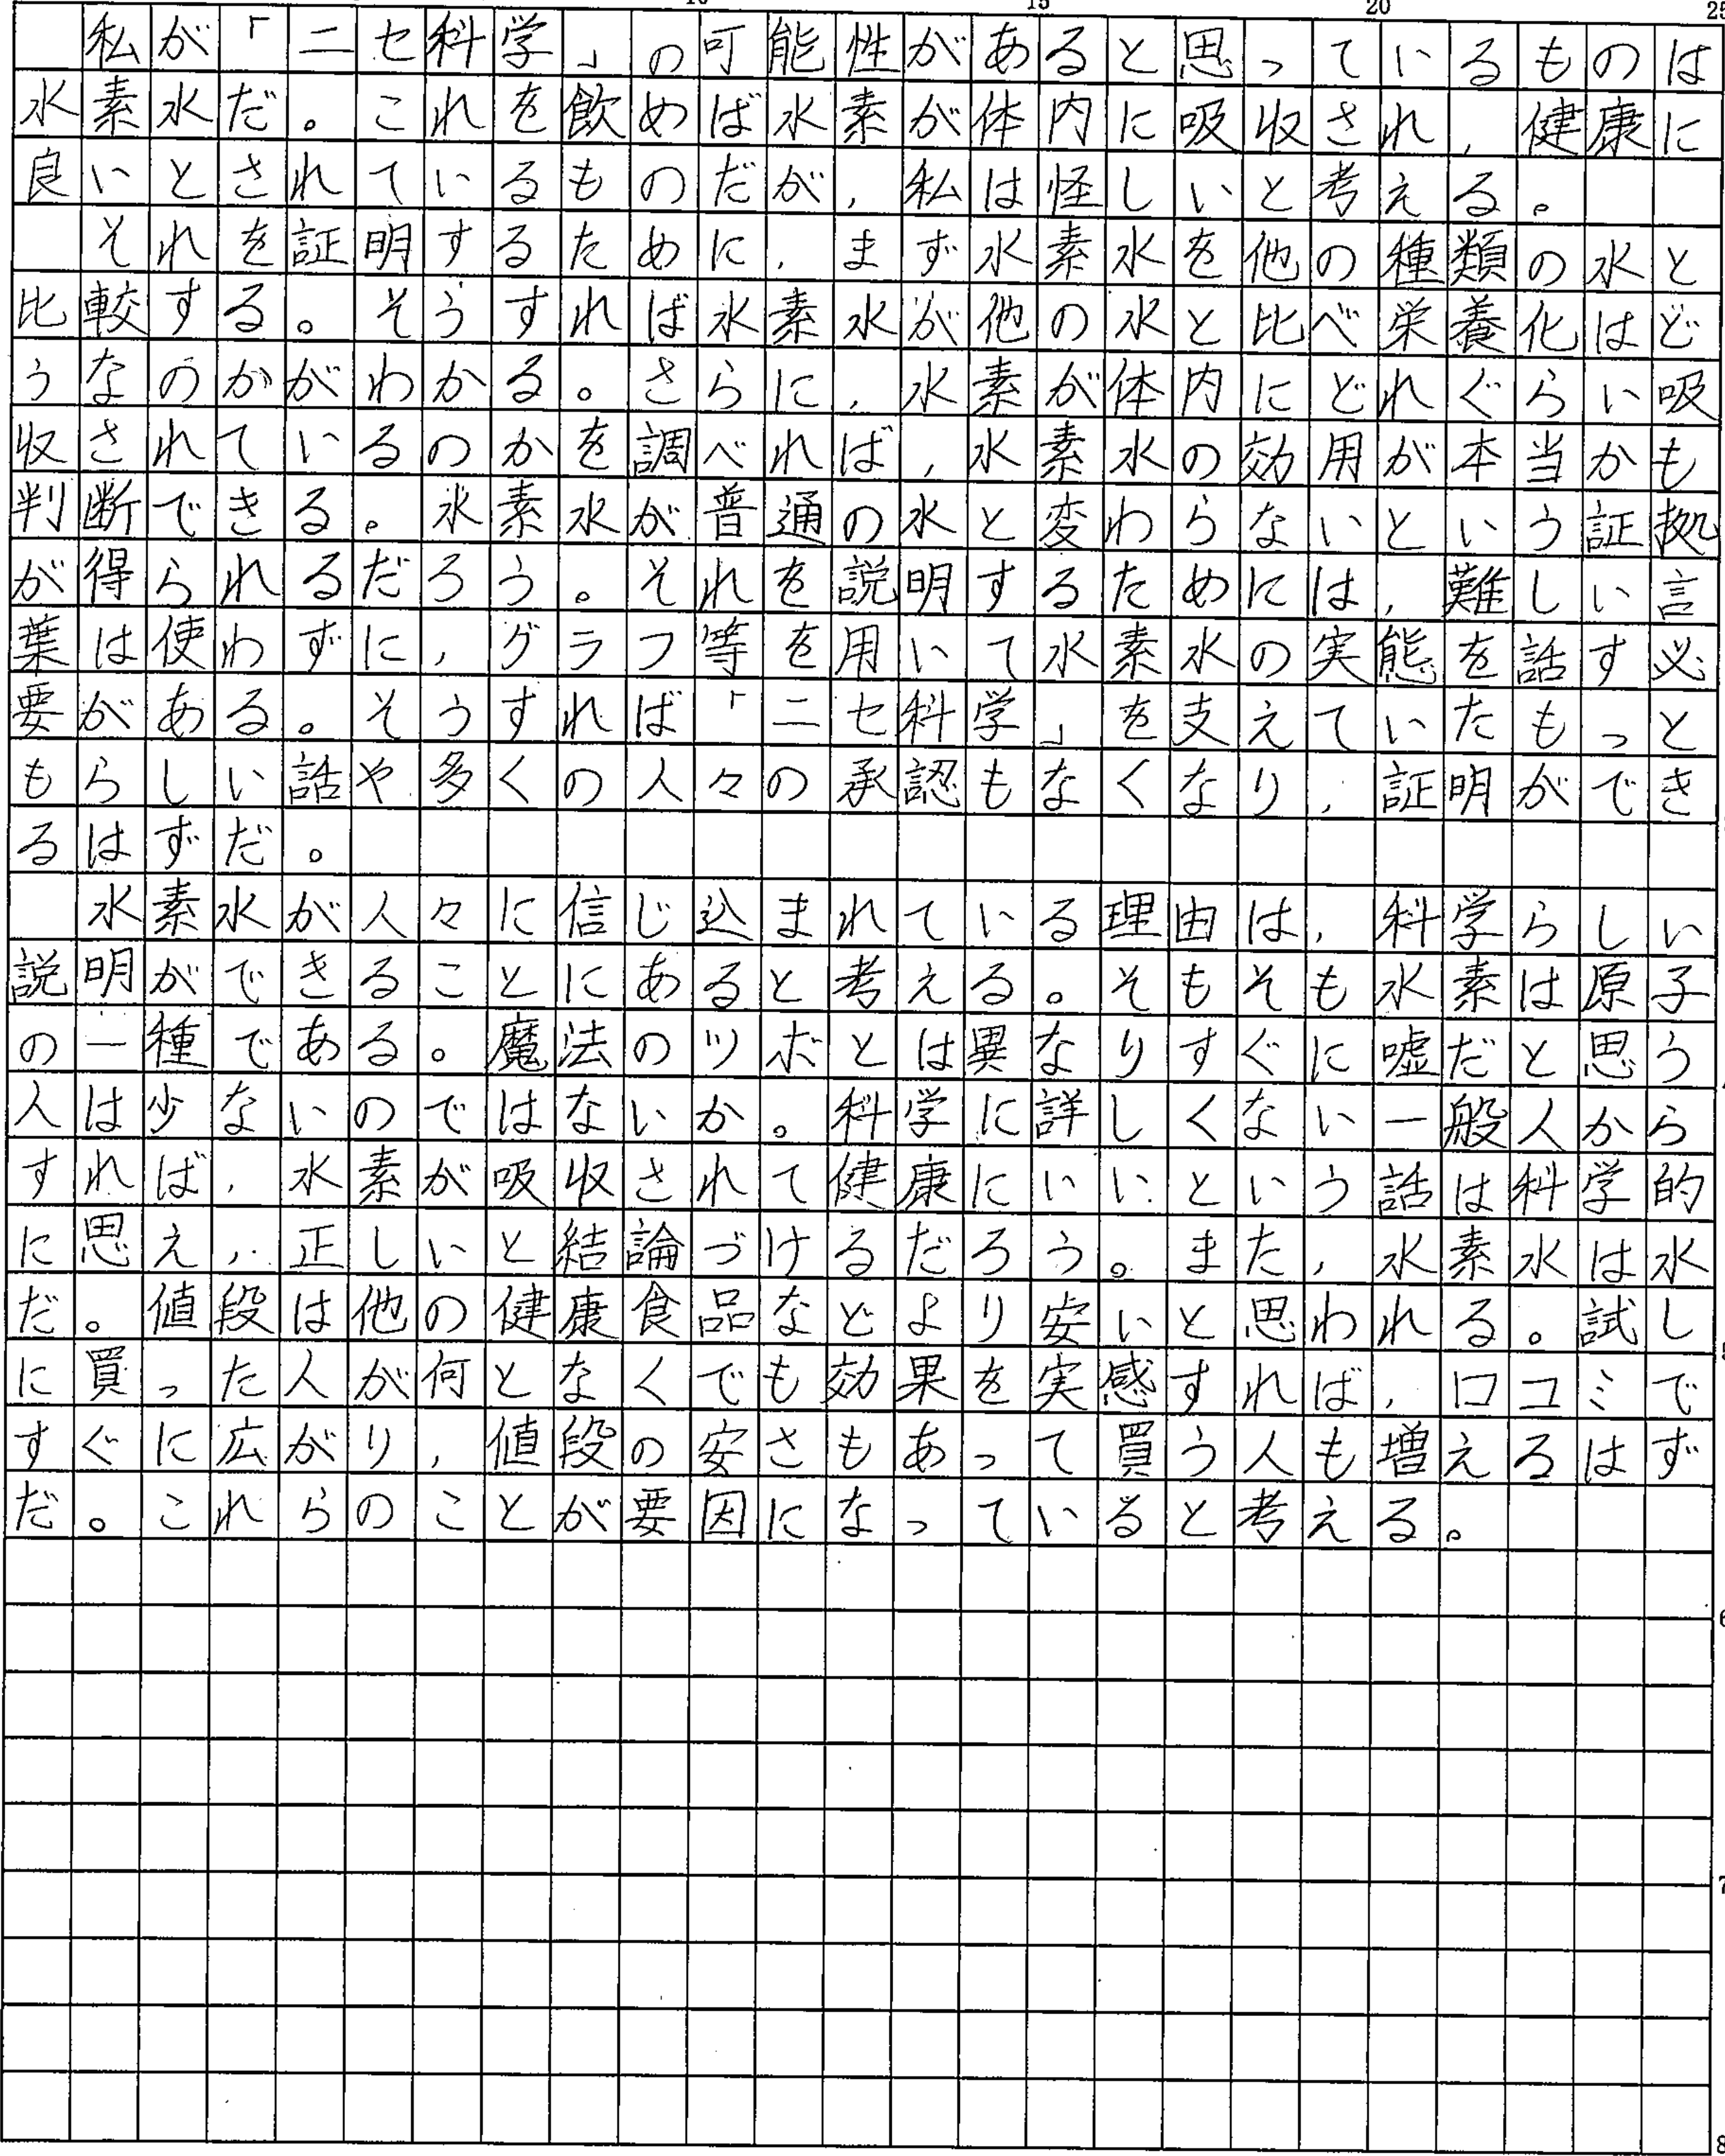　私が「ニセ科学」の可能性があると思っているものは水素水だ。これを飲めば水素が体内に吸収され，健康に良いとされているものだが、私は怪しいと考える。
　それを証明するために、まず水素水を他の種類の水と比較する。そうすれば水素水が他の水と比べ栄養化はどうなのかがわかる。さらに、水素が体内にどれぐらい吸収されているのかを調べれば、水素水の効用が本当かも判断できる。水素水が普通の水と変わらないという証拠が得られるだろう。それを説明するためには、難しい言葉は使わずに、グラフ等を用いて水素水の実態を話す必要がある。そうすれば「ニセ科学」を支えていたもっともらしい話や多くの人々の承認もなくなり、証明ができるはずだ。
　水素水が人々に信じ込まれている理由は、科学らしい説明ができることにあると考える。そもそも水素は原子の一種である。魔法のツボとは異なりすぐに嘘だと思う人は少ないのではないか。科学に詳しくない一般人からすれば、水素が吸収されて健康にいいという話は科学的に思え、正しいと結論づけるだろう。また、水素水は水だ。値段は他の健康食品などより安いと思われる。試しに買った人が何となくでも効果を実感すれば、口コミですぐに広がり、値段の安さもあって買う人も増えるはずだ。これらのことが要因になっていると考える。
